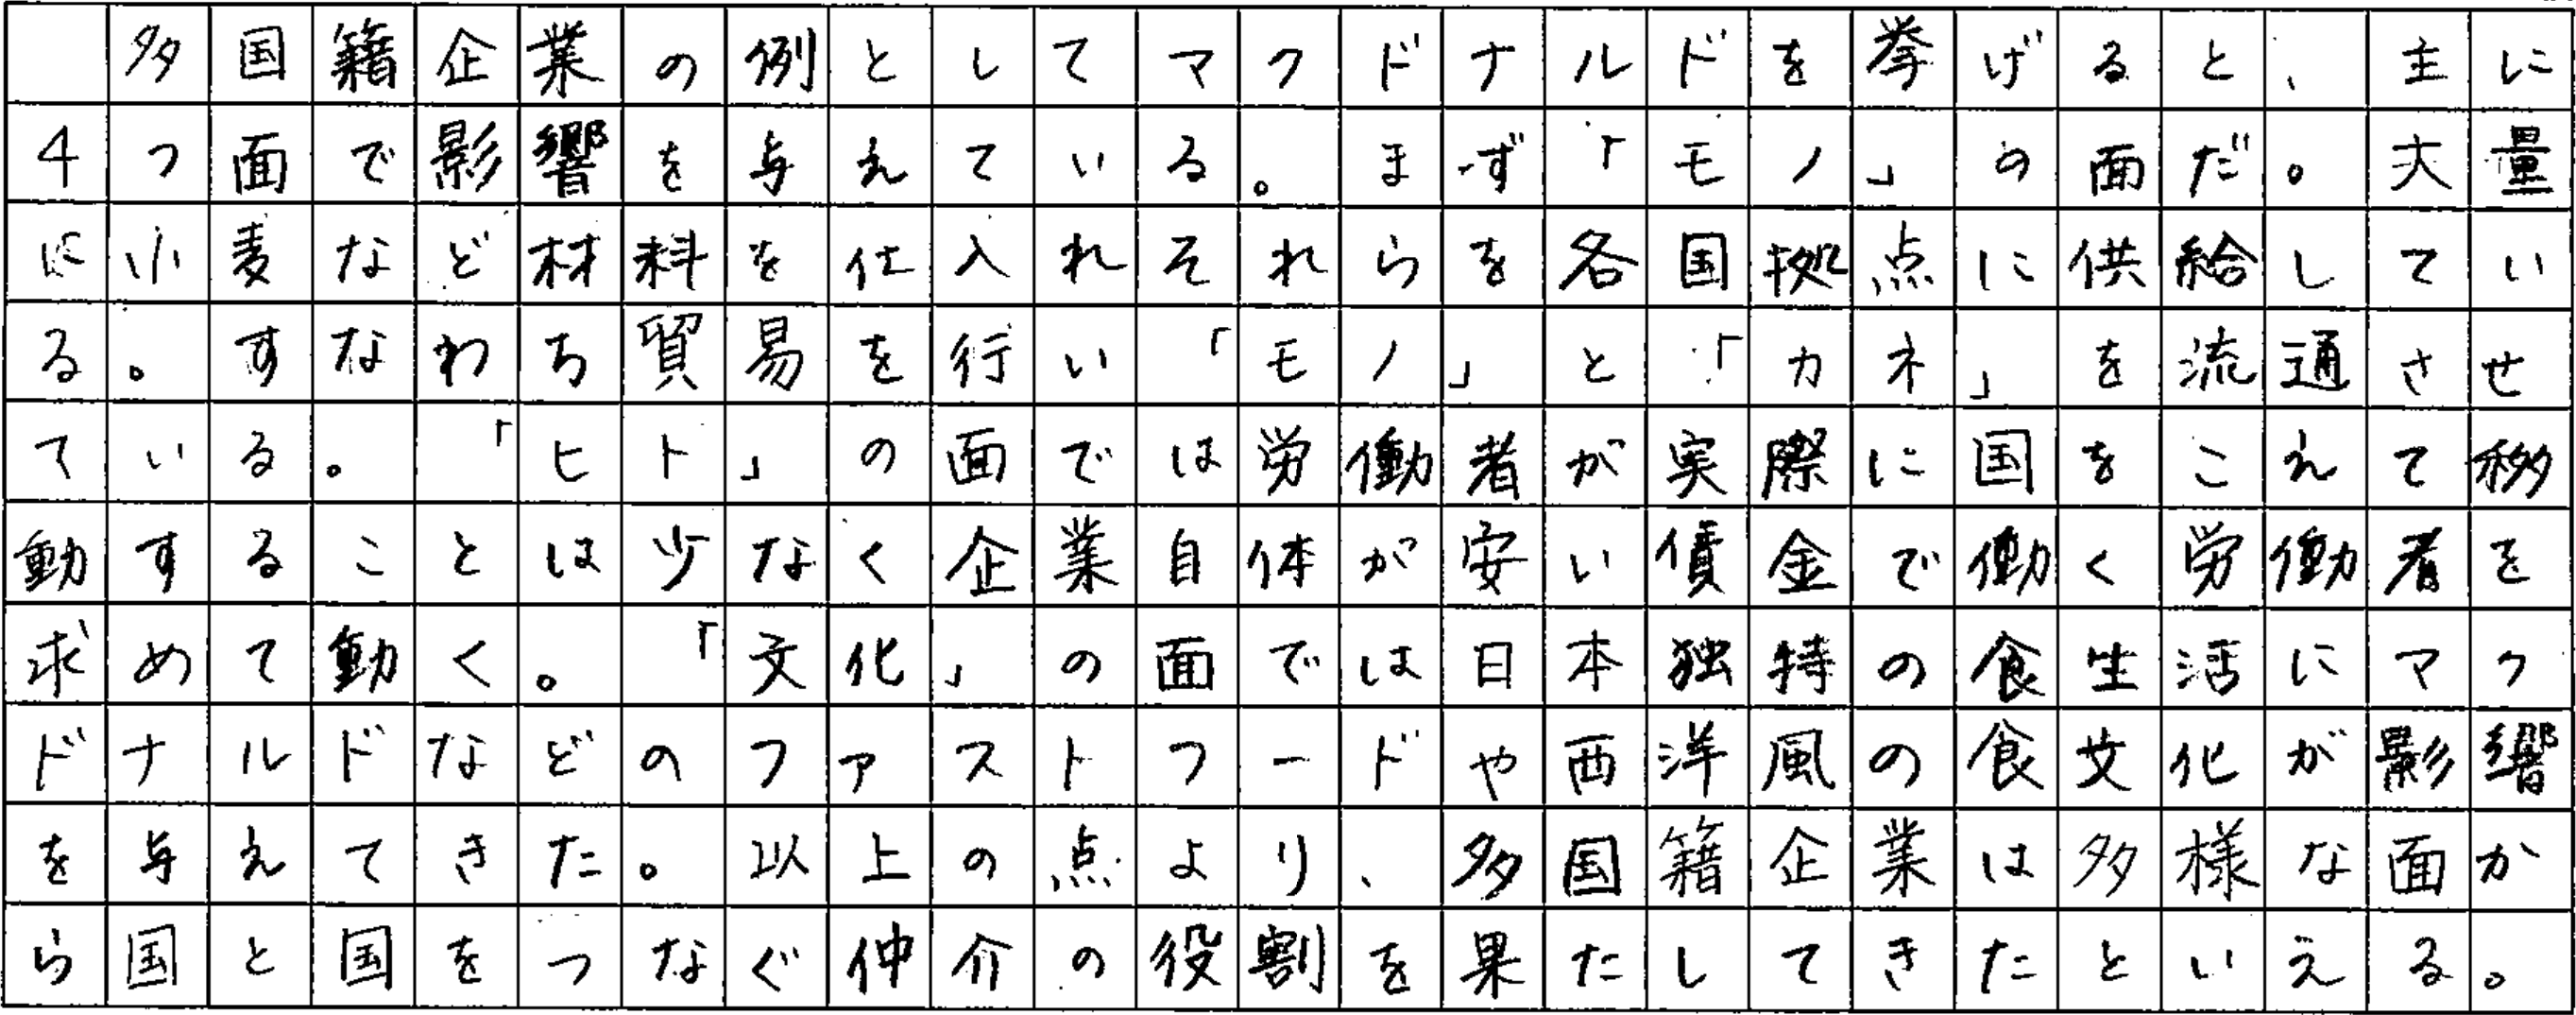　多国籍企業の例としてマクドナルドを挙げると、主に４つ面で影響を与えている。まず「モノ」の面だ。大量に小麦など材料を仕入れそれらを各国拠点に供給している。すなわち貿易を行い「モノ」と「カネ」を流通させている。「ヒト」の面では労働者が実際に国をこえて移動することは少なく企業自体が安い賃金で働く労働者を求めて動く。「文化」の面では日本独特の食生活にマクドナルドなどのファストフードや西洋風の食文化が影響を与えてきた。以上の点より、多国籍企業は多様な面から国と国をつなぐ仲介の役割を果たしてきたといえる。
